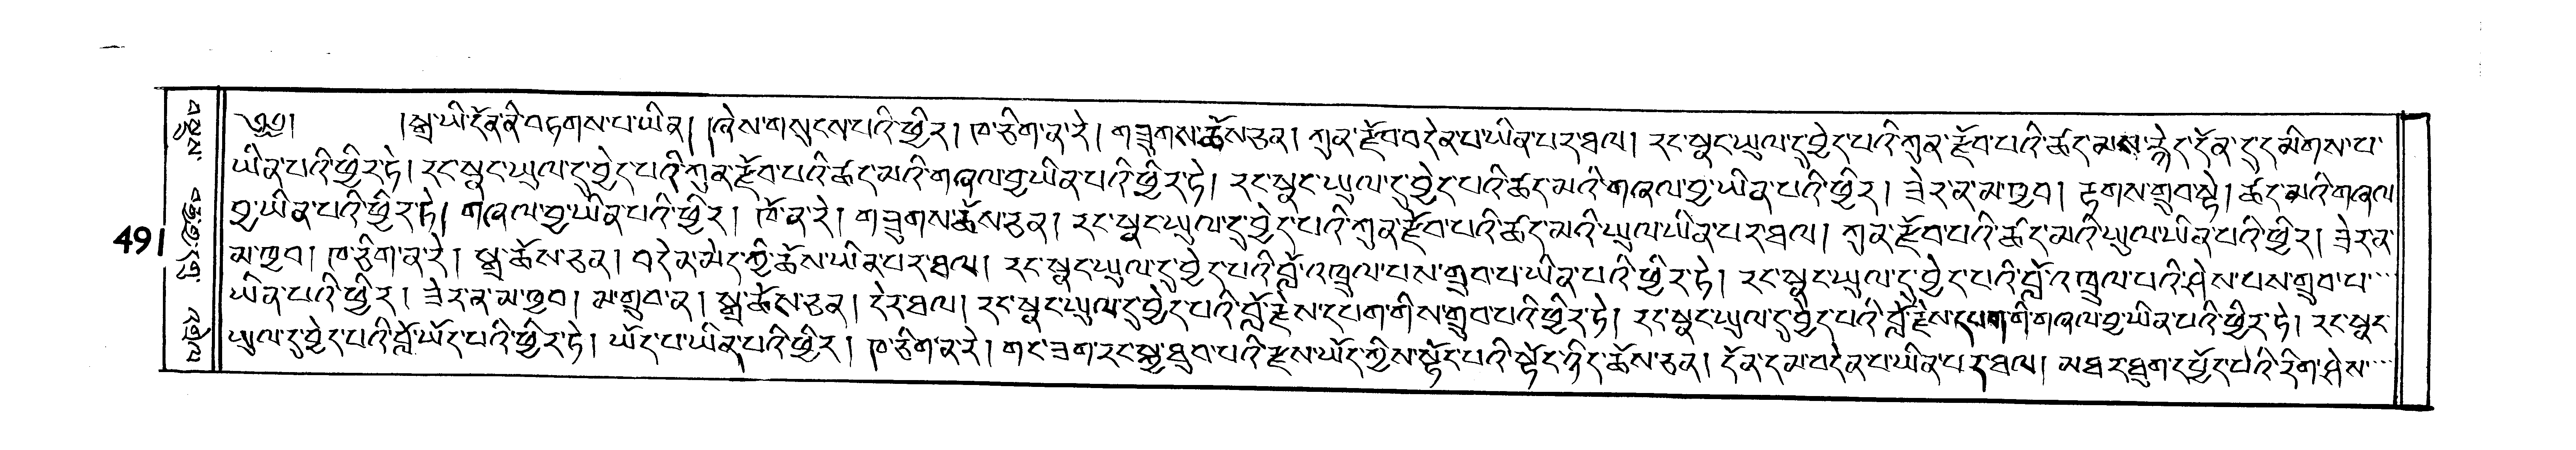༄༅། །སྒྲ་ཡི་དོན་ནི་བཏགས་པ་ཡིན། །ཞེས་གསུངས་པའི་ཕྱིར། ཁ་ཅིག་ན་རེ། གཟུགས་ཆོས་ཅན། ཀུན་རྫོབ་བདེན་པ་ཡིན་པར་ཐལ། རང་སྣང་ཡུལ་དུ་བྱེད་པའི་ཀུན་རྫོབ་པའི་ཚད་མས་རྙེད་དོན་དུ་དམིགས་པ་
ཡིན་པའི་ཕྱིར་ཏེ། རང་སྣང་ཡུལ་དུ་བྱེད་པའི་ཀུན་རྫོབ་པའི་ཚད་མའི་གཞལ་བྱ་ཡིན་པའི་ཕྱིར་ཏེ། རང་སྣང་ཡུལ་དུ་བྱེད་པའི་ཚད་མའི་གཞལ་བྱ་ཡིན་པའི་ཕྱིར། ཟེར་ན་མ་ཁྱབ། རྟགས་གྲུབ་སྟེ། ཚད་མའི་གཞལ་
བྱ་ཡིན་པའི་ཕྱིར་ཏེ། གཞལ་བྱ་ཡིན་པའི་ཕྱིར། ཁོ་ན་རེ། གཟུགས་ཆོས་ཅན། རང་སྣང་ཡུལ་དུ་བྱེད་པའི་ཀུན་རྫོབ་པའི་ཚད་མའི་ཡུལ་ཡིན་པར་ཐལ། ཀུན་རྫོབ་པའི་ཚད་མའི་ཡུལ་ཡིན་པའི་ཕྱིར། ཟེར་ན་
མ་ཁྱབ། ཁ་ཅིག་ན་རེ། སྒྲ་ཆོས་ཅན། བདེན་མེད་ཀྱི་ཆོས་ཡིན་པར་ཐལ། རང་སྣང་ཡུལ་དུ་བྱེད་པའི་བློ་འཁྲུལ་པས་གྲུབ་པ་ཡིན་པའི་ཕྱིར་ཏེ། རང་སྣང་ཡུལ་དུ་བྱེད་པའི་བློ་འཁྲུལ་པའི་ཤེས་པས་གྲུབ་པ་
ཡིན་པའི་ཕྱིར། ཟེར་ན་མ་ཁྱབ། མ་གྲུབ་ན། སྒྲ་ཆོས་ཅན། དེར་ཐལ། རང་སྣང་ཡུལ་དུ་བྱེད་པའི་བློ་རྗེས་དཔག་གིས་གྲུབ་པའི་ཕྱིར་ཏེ། རང་སྣང་ཡུལ་དུ་བྱེད་པའི་བློ་རྗེས་དཔག་གི་གཞལ་བྱ་ཡིན་པའི་ཕྱིར་ཏེ། རང་སྣང་
ཡུལ་དུ་བྱེད་པའི་བློ་ཡོད་པའི་ཕྱིར་ཏེ། ཡོད་པ་ཡིན་པའི་ཕྱིར། ཁ་ཅིག་ན་རེ། གང་ཟག་རང་སྐྱ་ཐུབ་པའི་རྫས་ཡོད་ཀྱིས་སྟོང་པའི་སྟོང་ཉིད་ཆོས་ཅན། དོན་དམ་བདེན་པ་ཡིན་པར་ཐལ། མཐར་ཐུག་དཔྱོད་པའི་རིག་ཤེས་